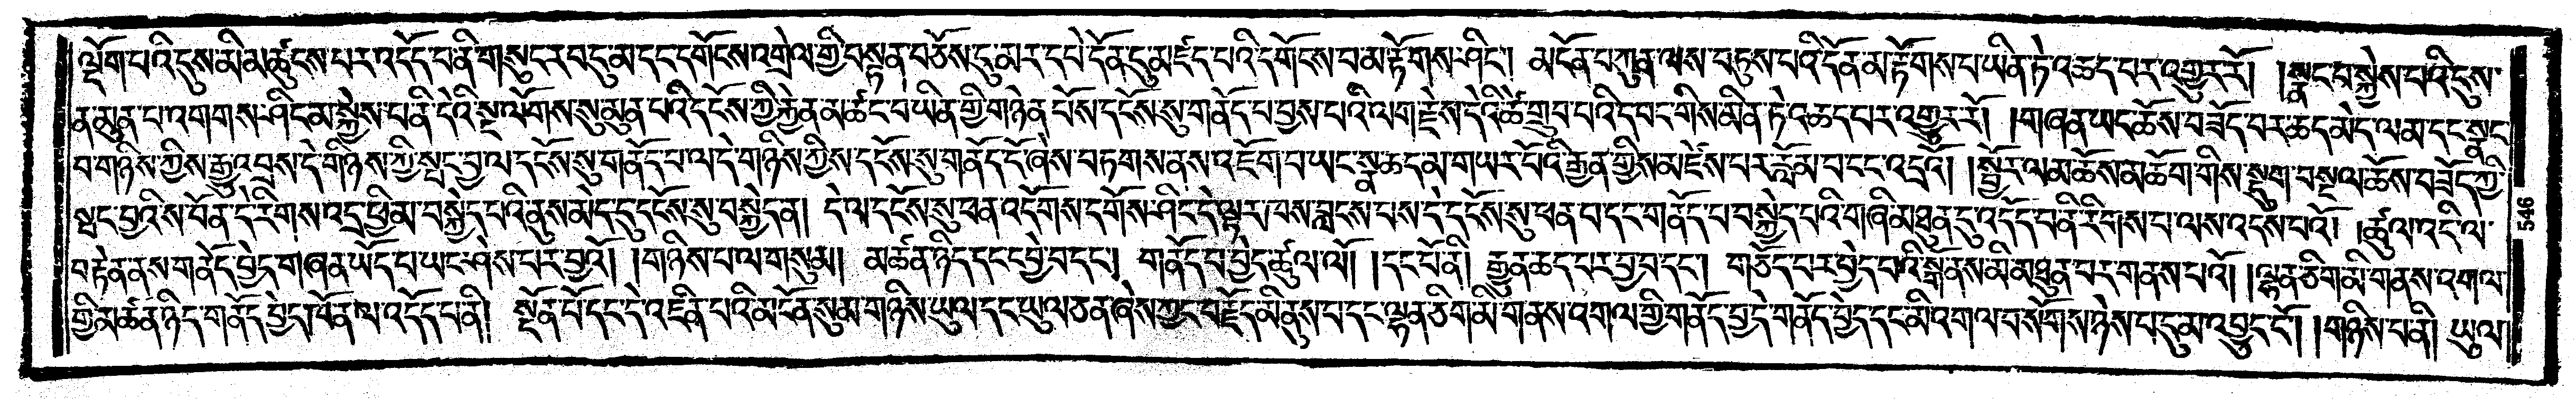ལྡོག་པའི་དུས་མི་མཚུངས་པར་འདོད་པ་ནི་གསུང་རབ་དུ་མ་དང་དགོངས་འགྲེལ་གྱི་བསྟན་བཅོས་དུ་མར་དཔེ་དོན་དུ་མཛད་པའི་དགོངས་པ་མ་རྟོགས་ཤིང་། མངོན་པ་ཀུན་ལས་བཏུས་པའི་དོན་མ་རྟོགས་པ་ཡིན་ཏེ་འཆད་པར་འགྱུར་རོ། །སྣང་བ་སྐྱེས་པའི་དུས་
ན་མུན་པ་འགགས་ཤིང་མ་སྐྱེས་པ་ནི་དེའི་སྔ་ལོགས་སུ་མུན་པའི་དངོས་ཀྱི་རྐྱེན་མ་ཚང་བ་ཡིན་གྱི་གཉེན་པོས་དངོས་སུ་གནོད་པ་བྱས་པའི་ལག་རྗེས་དེའི་ཚེ་གྲུབ་པའི་དབང་གིས་མིན་ཏེ་འཆད་པར་འགྱུར་རོ། །གཞན་ཡང་ཆོས་བཟོད་བར་ཆད་མེད་ལམ་དང་སྣང་
བ་གཉིས་ཀྱིས་རྒྱུ་འབྲས་དེ་གཉིས་ཀྱི་སྤང་བྱ་ལ་དངོས་སུ་གནོད་པ་ལ་དེ་གཉིས་ཀྱིས་དངོས་སུ་གནོད་དོ་ཞེས་བཏགས་ནས་འཇོག་པ་ཡང་སྣ་ཆད་མ་གཡར་པོའི་རྒྱན་གྱིས་མཛེས་པར་རློམ་པ་དང་འདྲའོ། །སྦྱོར་ལམ་ཆོས་མཆོག་གིས་སྡུག་བསྔལ་ཆོས་བཟོད་ཀྱི་
སྤང་བྱའི་ས་བོན་དེ་རིགས་འདྲ་ཕྱི་མ་བསྐྱེད་པའི་ནུས་མེད་དུ་དངོས་སུ་བསྐྱེད་ན། དེ་ལ་དངོས་སུ་ཕན་འདོགས་དགོས་ཤིང་དེ་ལྟར་ཁས་བླངས་པས་དེ་དངོས་སུ་ཕན་པ་དང་གནོད་པ་བསྐྱེད་པའི་གཞི་མཐུན་དུ་འདོད་པ་ནི་རིགས་པ་ལས་འདས་པའོ། །ཚུལ་འདི་ལ་
བརྟེན་ནས་གནོད་བྱེད་གཞན་ཡོད་པ་ཡང་ཤེས་པར་བྱའོ། །གཉིས་པ་ལ་གསུམ། མཚན་ཉིད་དང་དབྱེ་བ་དང་། གནོད་པ་བྱེད་ཚུལ་ལོ། །དང་པོ་ནི། རྒྱུན་ཆད་པར་བྱ་བ་དང་། གཅོད་པར་བྱེད་པའི་སྒོ་ནས་མི་མཐུན་པར་གནས་པའོ། །ལྷན་ཅིག་མི་གནས་འགལ་
གྱི་མཚན་ཉིད་གནོད་བྱེད་ཁོ་ན་ལ་འདོད་པ་ནི། སྔོན་པོ་དང་དེ་འཛིན་པའི་མངོན་སུམ་གཉིས་ཡུལ་དང་ཡུལ་ཅན་ཞེས་ཀྱང་བརྗོད་མི་ནུས་པ་དང་ལྷན་ཅིག་མི་གནས་འགལ་གྱི་གནོད་བྱ་དེ་གནོད་བྱེད་དང་མི་འགལ་བ་སོགས་ཉེས་པ་དུ་མ་འབྱུང་ངོ། །གཉིས་པ་ནི། ཡུལ་